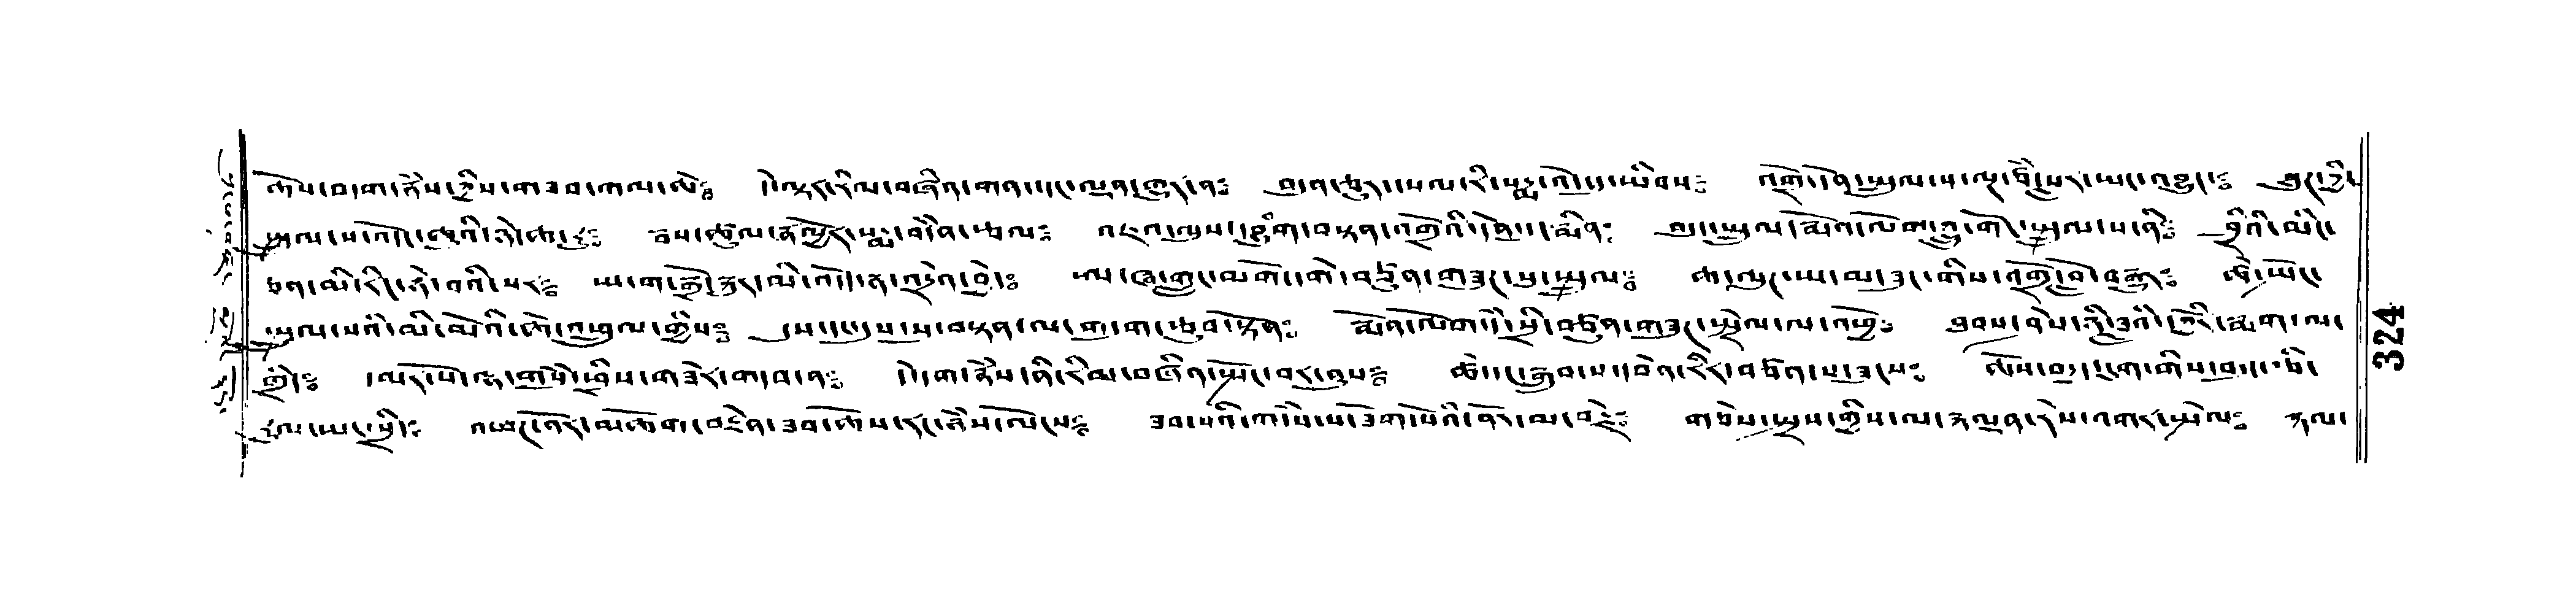ཆོས་བདག་རྣམས་ཀྱིས་གཟབ་གལ་ཆེ༔ དེ་ལྟར་རིམ་བཞིན་གནད་དང་ལྡན་གྱུར་ན༔ བདུན་བཅུར་དཔལ་རི་པདྨ་འོད་དུ་ཡིབས༔ འགྲོ་དོན་སྤྲུལ་པ་ལྔ་ཙམ་སླར་ཡང་འབྱུང༔ ཐུགས་ཀྱི་
སྤྲུལ་པ་འདོད་ཆུའི་ཉེ་ཆ་རུ༔ སྦས་ཚུལ་རྣལ་འབྱོར་པདྨ་བདེ་ཆེན་རྩལ༔ འཇའ་ལུས་དབང་ཕྱུག་བསྟན་འགྲོའི་དོན་དུ་སྨིན༔ བདུད་སྤྲུལ་སྨོན་ལོག་ཀླུ་གོང་སྤྲུལ་པ་ནི༔ ཤྲཱིའི་མིང་
ཅན་མི་རིང་ཉེ་བའི་སར༔ ཡ་ག་སྒྲོ་སྐུར་མི་འདོད་སྣ་འདྲེན་བྱེད༔ ཨ་ཝ་གླང་མགོ་དགེ་བཙུན་གཟུགས་སུ་སྤྲུལ༔ ཆ་ལུགས་ཡ་མ་ཟུང་གིས་འགྲོ་བློ་བསྒྱུར༔ ཚེ་སྤོང་
སྤྲུལ་པ་མི་མོའི་ཆོ་འཕྲུལ་གྱིས༔ དུས་དང་དུས་སུ་བསྟན་ལ་གདུག་རྩུབ་སྟོན༔ སྨོན་ལོག་དམ་སྲི་བཙུན་གཟུགས་སྤྲེལ་ལ་འཕྱོ༔ ཐབས་ཤེས་ཉི་ཟླའི་དཀྱིལ་འཁོར་སྨག་ལ་
ཁྲིད༔ དམར་པོ་ལྷ་གསུམ་ཕྲིན་ལས་གཟེར་གདབ་ན༔ དེ་དག་རྣམས་ནི་རིམ་བཞིན་སྤོང་བར་ནུས༔ ཚེ་དང་སྒྲུབ་པ་དབེན་རིར་བཙན་ས་ཟུངས༔ ཆོས་བརྒྱད་དུག་གིས་བདུད་རྩི་
རུལ་ཡང་སྲིད༔ འཕགས་ནོར་མཆོག་བརྟེན་ཟབ་ཆོས་རང་ཉམས་ལོངས༔ ཟབ་པའི་གདམས་པ་ཟོག་པོའི་ནོར་མ་བརྗེ༔ གཅེས་སྤྲས་གྱིས་ལ་སྐལ་ལྡན་རེས་འགར་སྤེལ༔ སྐལ་